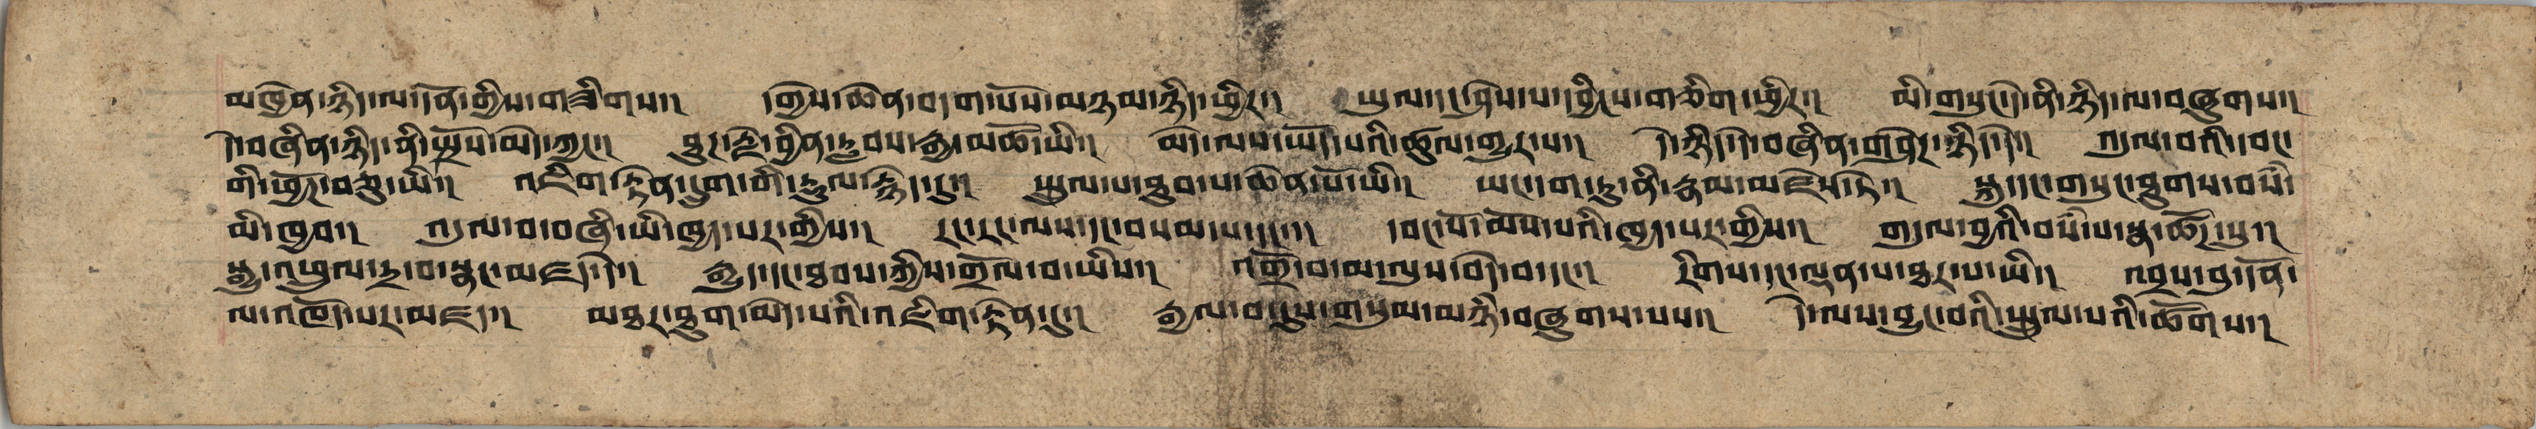མཁྱེན་ཉིད་ལ་དོན་གྱིས་གཟིགས་། དགྱེས་ཆེན་བདག་པོས་མཉམ་ཉིད་ཕྱིར་། ཡུལ་དང་ཤེས་པ་དབྱིངས་གཅིག་ཕྱིར་། མི་གསུང་དེ་ནི་ཉིད་ལ་བཞུགས་།
དེ་བཞིན་ཉིད་ནི་སྤྲོས་མེད་ཀྱང་། ཐུཌ་རྗེ་བྱིན་རླབས་རྒྱ་མཚོ་ཡི་། མེད་ལས་ཡོད་པའི་ཚུལ་གྱུར་པ་། དེ་ཉིད་དེ་བཞིན་གཤེཌ་ཉིད་དེ་། འདུལ་བའི་དབང་
གི་ཕྱོཌ་བཅུ་ཡི་། འཇིག་རྟེན་དྲུག་གི་རྡུལ་རྙེད་དུ་། སྤྲུལ་པ་ཐུབ་པ་ཆེན་པོ་ཡི་། ཡང་དག་ཏུ་ནི་རྣམ་མཛེས་ཏེ་། སྐུ་དང་གསུང་ཐུགས་བསཾ་
མི་ཁྱབ་། འདུལ་བ་བཞི་ཡི་ཁྱད་པར་གྱིས་། རང་རང་ལས་དང་བསམ་པ་དང་་། དབང་པོ་མོས་པའི་ཁྱད་པར་གྱིས་། གདུལ་བྱའི་བསཾ་པ་སྣ་ཚོཌ་སུ་།
སྒྱུ་འཕྲུལ་དྲ་བ་སྣང་མཛད་དེ་། རྒྱུད་དང་ཐབས་ཀྱིས་གྲོལ་བ་ཡིས་། འགྲོ་བ་མ་ལུས་བདེ་བ་དང་། རིགས་དང་ལྡན་པ་ཐར་པ་ཡི་། འབྲས་བུ་དོན་
ལ་འཁོད་པར་མཛད་། མཐར་ཐུག་མེད་པའི་འཇིག་རྟེན་དུ་། རྒྱལ་བ་དུས་གསུམ་མཉཾ་བཞུགས་པས་། དེ་ལས་བྱུང་བའི་སྤྲུལ་པའི་ཚོགས་།